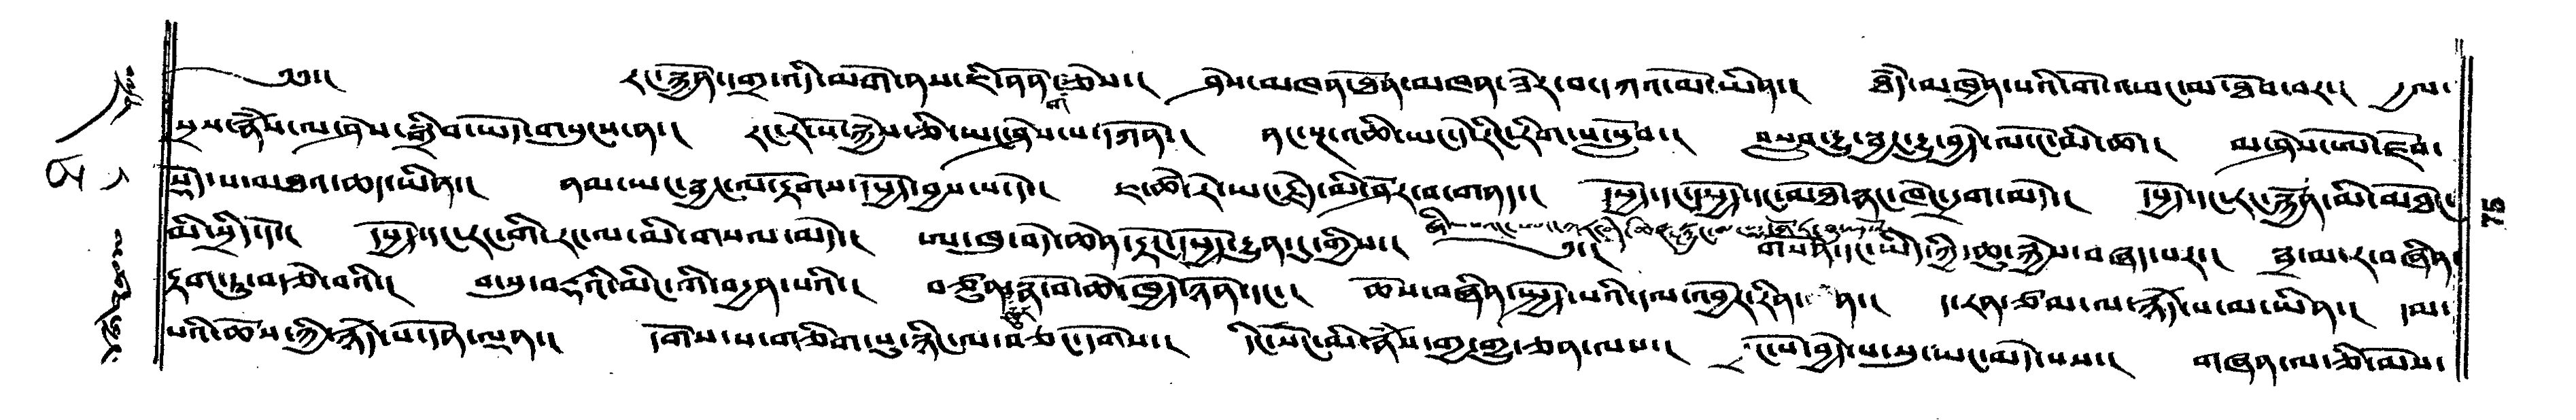།རང་སྐྱོན་དགྲ་འདི་མགོ་ནས་ཇི་ནོན་གཅེས། །ཤེས་མཁན་ཐོན་མཁན་ཟེར་བ་དཀའ་མོ་ཡིན། །ཐམས་ཅད་མཁྱེན་པའི་གོ་འཕང་མ་ཐོབ་བར། །རྒྱལ་
སྲས་རྣམས་ལའང་ཤེས་སྒྲིབ་ཡོད་གསུངས་ན། །རང་རེ་སོ་སྐྱེས་ཅི་ཡང་ཤེས་པ་དཀོན། །ནངས་སྔ་འཆི་ཡང་དེ་རིང་རིག་པ་སློབས། །བསླབ་རྒྱུ་སྦྱང་རྒྱུ་བྱེད་ལ་ངོ་མི་ཚ། །མ་ཤེས་ཨོ་ཟོབ་
སྡོད་པ་མཐའ་ཆད་ཡིན། །ནམ་ཡང་སྦྱང་ལ་རྟོག་དཔྱོད་བྱས་པ་དེ། །ཇ་ཚེ་རེ་ཡང་བརྗེད་མི་ཤོར་བ་གནད། །དཔྱོད་དང་དཔྱོད་དང་མཐོ་སྣང་ཁེངས་དྲེགས་མེད། །དཔྱོད་དང་རང་སྐྱོན་མི་མཐོང་
མི་སྲིད་དོ། །དཔྱོད་དང་རང་གི་རང་ལ་མི་གསལ་མེད། །ཨ་ཁུ་བདེ་ཆེན་རྟོག་དཔྱོད་རྒྱུན་དུ་གྱིས།། ཞེས་པ་འང་ཨ་དཀར་བདེ་ཆེན་གྱིས་བསྐུལ་ངོར་པདྨ་ནོར་བུས་སོ།། ༈ གསོན་དང་ཡིད་ཀྱི་ཆུ་སྐྱེས་བཞད་པར། །སྦྲ་མ་ར་བཞིན་
རྟག་ཏུ་བརྩེ་བའི། །བ་སུ་བརྡྷའི་མིང་གི་བརྒྱན་པའི། །བཙུན་ཆུང་སྣ་བོ་ཆེ་ཁྱོད་ཉོན་དང་། །ཆོས་བཞིན་སྤྱོད་པའི་དལ་འབྱོར་རིན་ཆེན། །ད་རན་ཙམ་ལ་རྙེད་པ་མ་ཡིན། །དམ་
པའི་ཆོས་ཀྱི་རྙེད་པ་དོན་ལྡན། །དགོས་པ་གཅིག་པུ་སྙིང་ལ་བཅང་དགོས། །དིང་སང་མི་རྣམས་གྱ་གྱུ་ཅན་ལས། །དྲང་པོ་བྱེད་པ་སུ་ཡང་མེད་པས། །གཞན་ལ་ཅི་མོས་